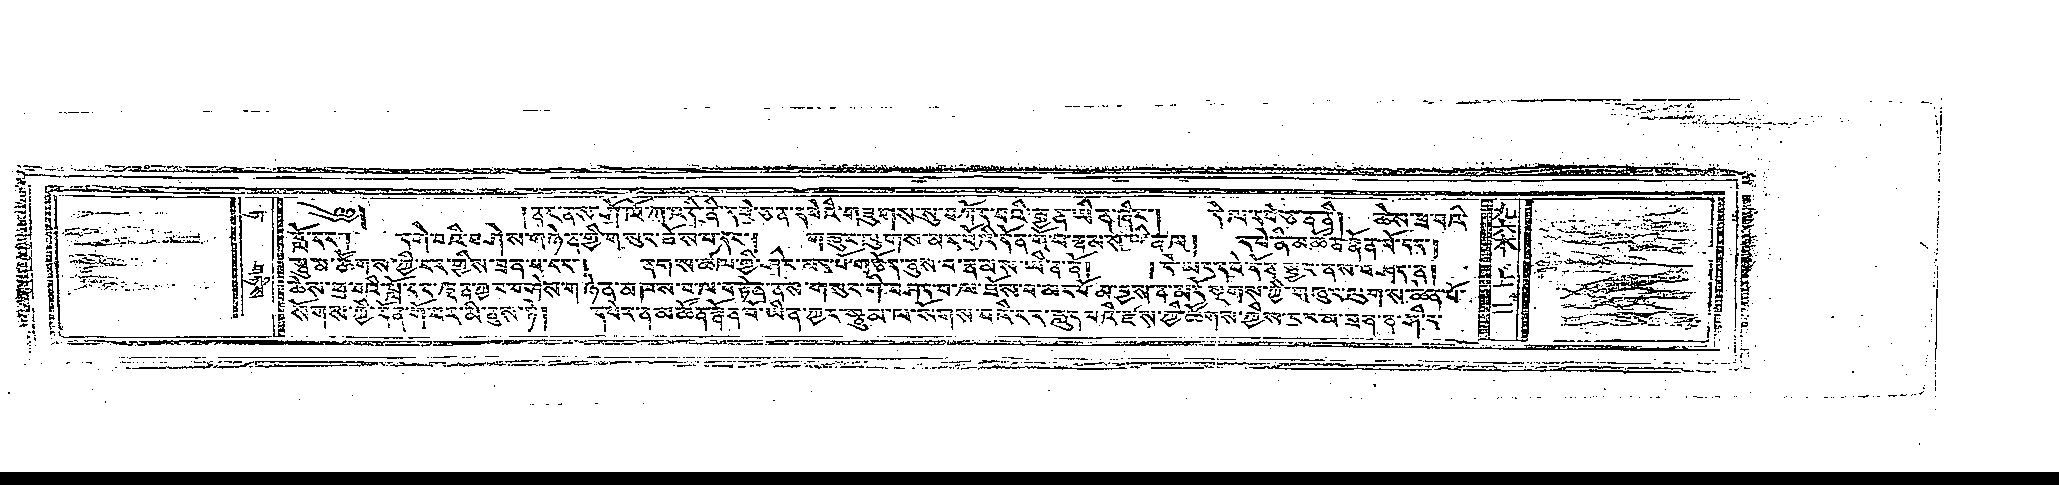༄༅། །ནང་ནས་ཤོ་ལོ་ཀ་འདི་ནི་དཔེ་ཅན་དཔེའི་གཟུགས་སུ་བཀོད་པའི་རྒྱན་ཡིན་ཞིང་། དེ་ལ་དཔེ་ཅན་ནི། ཆེས་ཕྲ་བའི་
བློ་དང་། དགེ་བའི་བཤེས་གཉེན་གྱི་གསུང་ཐོས་པ་དང་། གཞུང་ལུགས་མང་པོའི་དོན་གོ་བ་རྣམས་ཡིན་ལ། དཔེ་ནི་མཚོན་རྣོན་པོ་དང་།
སྣུམ་ཚོགས་ཀྱི་ངར་གྱིས་ཐན་པ་དང་། ནགས་ཚལ་གྱི་ཤིང་མང་པོ་གཅོད་ནུས་པ་རྣམས་ཡིན་ནོ། །དེ་ཡང་དཔེ་དོན་སྦྱར་ནས་བཤད་ན།
ཆེས་ཕྲ་བའི་བློ་དང་ལྡན་ཀྱང་བཤེས་གཉེན་མཁས་པ་ལ་བརྟེན་ནས་གསུང་གི་བཤད་པ་ལ་ཐོས་པ་མང་པོ་མ་བྱས་ན་མདོ་སྔགས་ཀྱི་གཞུང་ལུགས་ཆེན་པོ་
སོགས་ཀྱི་དོན་གོ་པར་མི་ནུས་ཏེ། དཔེར་ན་མཚོན་རྣོན་པོ་ཡིན་ཀྱང་སྣུམ་ལ་སོགས་པའི་དར་བླུད་པའི་རྫས་ཀྱི་ཚོགས་ཀྱིས་དར་མ་བྲན་ན་ཤིང་